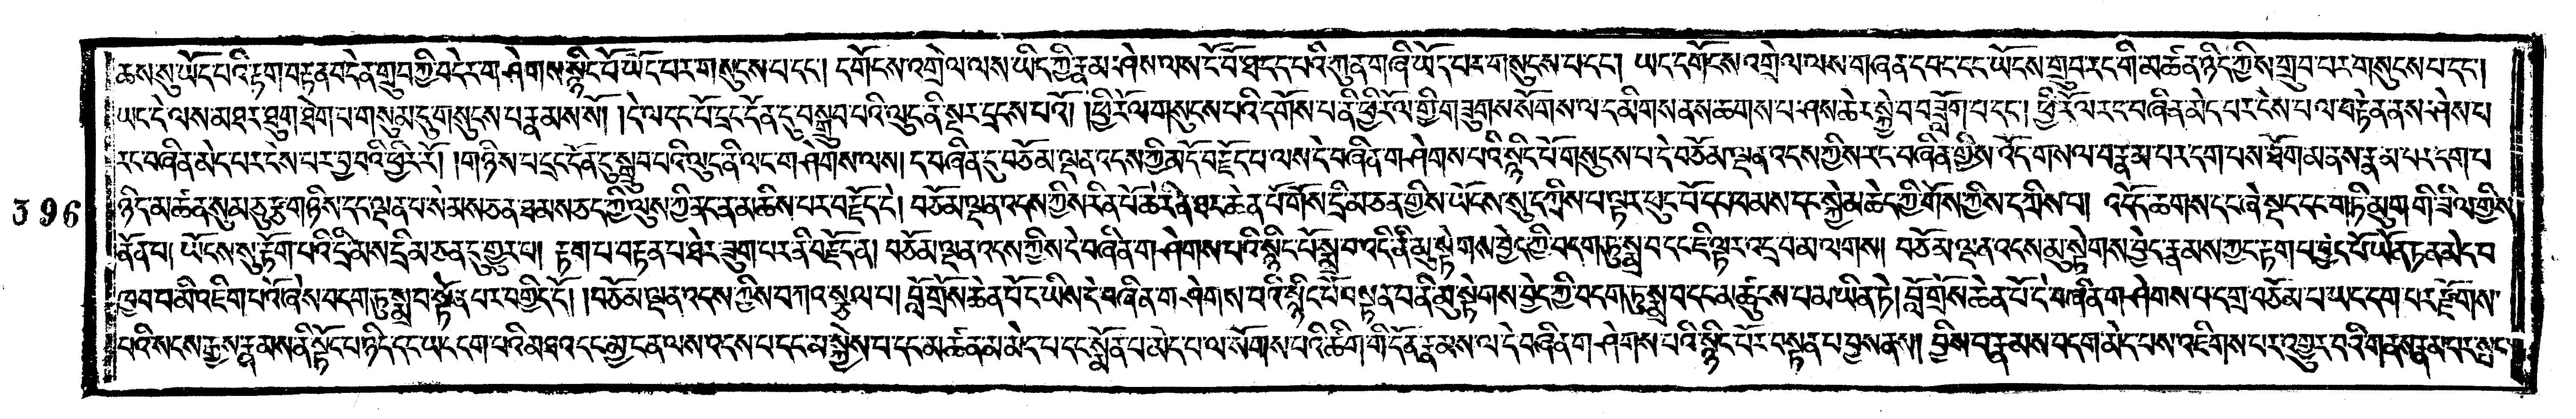ཆས་སུ་ཡོད་པའི་རྟག་བརྟན་བདེན་གྲུབ་ཀྱི་བདེར་གཤེགས་སྙིང་པོ་ཡོད་བར་གསུངས་པ་དང་། དགོངས་འགྲེལ་ལས་ཡིད་ཀྱི་རྣམ་ཤེས་ལས་ངོ་བོ་ཐ་དད་པའི་ཀུན་གཞི་ཡོད་པར་གསུངས་པ་དང་། ཡང་དགོངས་འགྲེལ་ལས་གཞན་དབང་དང་ཡོངས་གྲུབ་རང་གི་མཚན་ཉིད་ཀྱིས་གྲུབ་པར་གསུངས་པ་དང་།
ཡང་དེ་ལས་མཐར་ཐུག་ཐེག་པ་གསུམ་དུ་གསུངས་པ་རྣམས་སོ། །དེ་ལ་དང་པོ་དྲང་དོན་དུ་བསྒྲུབ་པའི་ལུང་ནི་སྔར་དྲངས་པའོ། །ཕྱི་རོལ་གསུངས་པའི་དགོས་པ་ནི་ཕྱི་རོལ་གྱི་གཟུགས་སོགས་ལ་དམིགས་ནས་ཆགས་པ་ཤས་ཆེར་སྐྱེ་བ་བཟློག་པ་དང་། ཕྱི་རོལ་རང་བཞིན་མེད་པར་ངེས་པ་ལ་བརྟེན་ནས་ཤེས་པ་
རང་བཞིན་མེད་པར་ངེས་པར་བྱ་བའི་ཕྱིར་རོ། །གཉིས་པ་དྲང་དོན་དུ་སྒྲུབ་པའི་ལུང་ནི་ལང་གཤེགས་ལས། དེ་བཞིན་དུ་བཅོམ་ལྡན་འདས་ཀྱི་མདོ་བརྗོད་པ་ལས་དེ་བཞིན་གཤེགས་པའི་སྙིང་པོ་གསུངས་པ་དེ་བཅོམ་ལྡན་འདས་ཀྱིས་རང་བཞིན་གྱིས་འོད་གསལ་བ་རྣམ་པར་དག་པས་ཐོག་མ་ནས་རྣམ་པར་དག་པ་
ཉིད་མཚན་སུམ་ཅུ་རྩ་གཉིས་དང་ལྡན་པ་སེམས་ཅན་ཐམས་ཅད་ཀྱི་ལུས་ཀྱི་ནང་ན་མཆིས་པར་བརྗོད་དེ། བཅོམ་ལྡན་འདས་ཀྱིས་རིན་པོ་ཆེ་རིན་ཐང་ཆེན་པོ་གོས་དྲི་མ་ཅན་གྱིས་ཡོངས་སུ་དཀྲིས་པ་ལྟར་ཕུང་བོ་དང་ཁམས་དང་སྐྱེ་མཆེད་ཀྱི་གོས་ཀྱིས་དཀྲིས་པ། འདོད་ཆགས་དང་ཞེ་སྡང་དང་གཏི་མུག་གི་ཟིལ་གྱིས་
ནོན་བ། ཡོངས་སུ་རྟོག་པའི་དྲི་མས་དྲི་མ་ཅན་དུ་གྱུར་པ། རྟག་པ་བརྟན་པ་ཐེར་ཟུག་པར་ནི་བརྗོད་ན། བཅོམ་ལྡན་འདས་ཀྱིས་དེ་བཞིན་གཤེགས་པའི་སྙིང་པོ་སྨྲ་བ་འདི་ནི་མུ་སྟེགས་བྱེད་ཀྱི་བདག་ཏུ་སྨྲ་བ་དང་ཇི་ལྟར་འདྲ་བ་མ་ལགས། བཅོམ་ལྡན་འདས་མུ་སྟེགས་བྱེད་རྣམས་ཀྱང་རྟག་པ་བྱེད་པོ་ཡོན་ཏན་མེད་པ་
ཁྱབ་བ་མི་འཇིག་པའོ་ཞེས་བདག་ཏུ་སྨྲ་བ་སྟོན་པར་བགྱིད་དོ། །བཅོམ་ལྡན་འདས་ཀྱིས་བཀའ་སྩལ་བ། བློ་གྲོས་ཆེན་པོ་ང་ཡིས་དེ་བཞིན་གཤེགས་པའི་སྙིང་པོ་བསྟན་བ་ནི་མུ་སྟེགས་བྱེད་ཀྱི་བདག་ཏུ་སྨྲ་བ་དང་མཚུངས་པ་མ་ཡིན་ཏེ། བློ་གྲོས་ཆེན་པོ་དེ་བཞིན་གཤེགས་པ་དགྲ་བཅོམ་པ་ཡང་དག་པར་རྫོགས་
བའི་སངས་རྒྱས་རྣམས་ནི་སྟོང་པ་ཉིད་དང་ཡང་དག་པའི་མཐའ་དང་མྱ་ངན་ལས་འདས་པ་དང་མ་སྐྱེས་བ་དང་མཚན་མ་མེད་པ་དང་སྨོན་པ་མེད་པ་ལ་སོགས་པའི་ཚིག་གི་དོན་རྣམས་ལ་དེ་བཞིན་གཤེགས་པའི་སྙིང་པོར་བསྟན་པ་བྱས་ནས། བྱིས་པ་རྣམས་བདག་མེད་པས་འཇིགས་པར་འགྱུར་བའི་གནས་རྣམ་པར་སྤང་